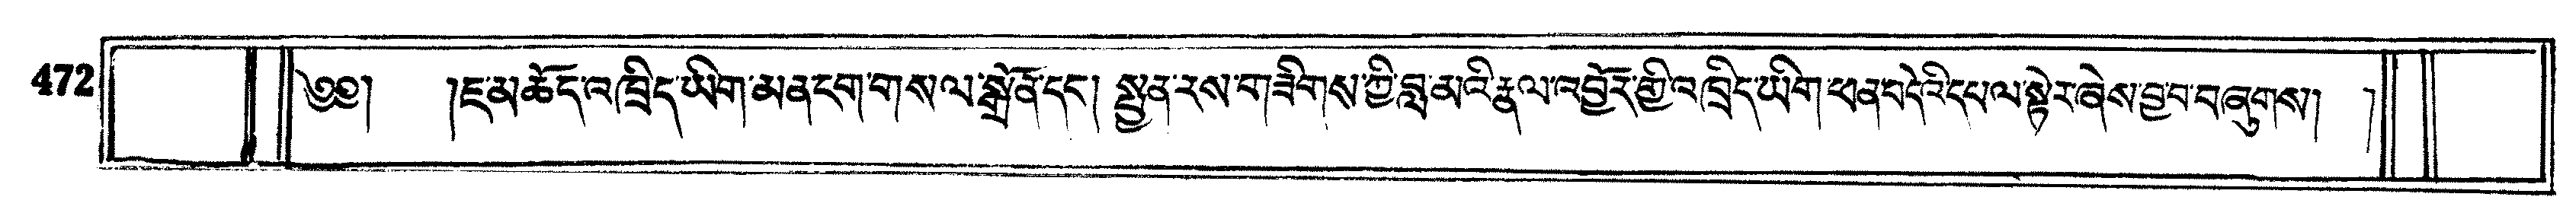༄༅། །ཇ་མཆོད་འཁྲིད་ཡིག་མན་ངག་གསལ་སྒྲོན་དང་། སྤྱན་རས་གཟིགས་ཀྱི་བླ་མའི་རྣལ་འབྱོར་གྱི་འཁྲིད་ཡིག་ཕན་བདེའི་དཔལ་སྟེར་ཞེས་བྱ་བ་བཞུགས། །